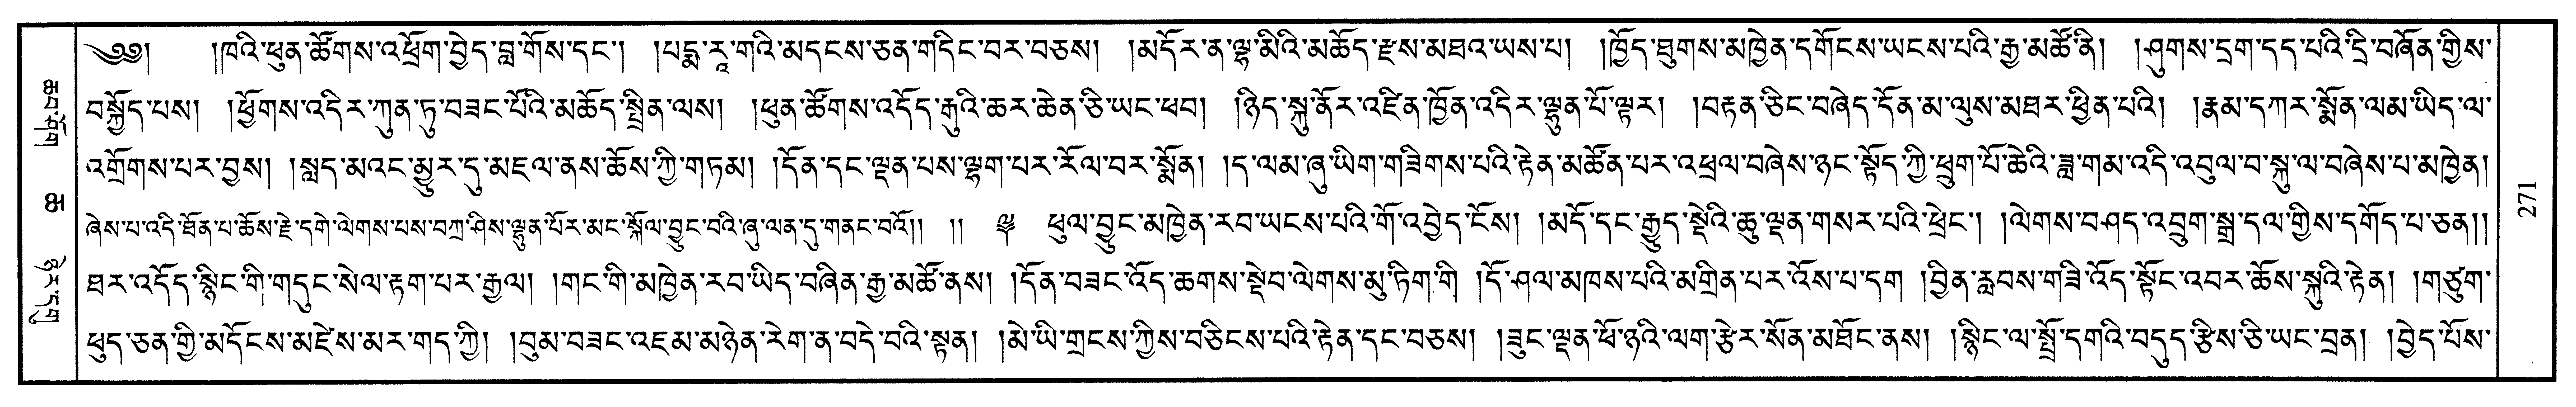༄༅། །ཁའི་ཕུན་ཚོགས་འཕྲོག་བྱེད་བླ་གོས་དང་། །པདམ་རཱ་གའི་མདངས་ཅན་གདིང་བར་བཅས། །མདོར་ན་ལྷ་མིའི་མཆོད་རྫས་མཐའ་ཡས་པ། །ཁྱོད་ཐུགས་མཁྱེན་དགོངས་ཡངས་པའི་རྒྱ་མཚོ་ནི། །ཤུགས་དྲག་དད་པའི་དྲི་བཞོན་གྱིས་
བསྐྱོད་པས། །ཕྱོགས་འདིར་ཀུན་ཏུ་བཟང་པོའི་མཆོད་སྤྲིན་ལས། །ཕུན་ཚོགས་འདོད་རྒུའི་ཆར་ཆེན་ཅི་ཡང་ཕབ། །ཉིད་སྐུ་ནོར་འཛིན་ཁྱོན་འདིར་ལྷུན་པོ་ལྟར། །བརྟན་ཅིང་བཞེད་དོན་མ་ལུས་མཐར་ཕྱིན་པའི། །རྣམ་དཀར་སྨོན་ལམ་ཡིད་ལ་
འགྲོགས་པར་བྱས། །སླད་མའང་མྱུར་དུ་མཇལ་ནས་ཆོས་ཀྱི་གཏམ། །དོན་དང་ལྡན་པས་ལྷག་པར་རོལ་བར་སྨོན། །ད་ལམ་ཞུ་ཡིག་གཟིགས་པའི་རྟེན་མཚོན་པར་འཕྲལ་བཞེས་ཉང་སྟོད་ཀྱི་ཕྲུག་པོ་ཆེའི་ཟླ་གམ་འདི་འབུལ་བ་སྐུ་ལ་བཞེས་པ་མཁྱེན།
ཞེས་པ་འདི་ཐོན་པ་ཆོས་རྗེ་དགེ་ལེགས་པས་བཀྲ་ཤིས་ལྷུན་པོར་མང་སྐོལ་བྱུང་བའི་ཞུ་ལན་དུ་གནང་བའོ།། །། ༈ ཕུལ་བྱུང་མཁྱེན་རབ་ཡངས་པའི་གོ་འབྱེད་ངོས། །མདོ་དང་རྒྱུད་སྡེའི་ཆུ་ལྡན་གསར་པའི་ཕྲེང་། །ལེགས་བཤད་འབྲུག་སྒྲ་དལ་གྱིས་དགོད་པ་ཅན།།
ཐར་འདོད་སྙིང་གི་གདུང་སེལ་རྟག་པར་རྒྱལ། །གང་གི་མཁྱེན་རབ་ཡིད་བཞིན་རྒྱ་མཚོ་ནས། །དོན་བཟང་འོད་ཆགས་སྡེབ་ལེགས་མུ་ཏིག་གི །དོ་ཤལ་མཁས་པའི་མགྲིན་པར་འོས་པ་དག །བྱིན་རླབས་གཟི་འོད་སྟོང་འབར་ཆོས་སྐུའི་རྟེན། །གཙུག་
ཕུད་ཅན་གྱི་མདོངས་མཛེས་མར་གད་ཀྱི། །བུམ་བཟང་འཇམ་མཉེན་རེག་ན་བདེ་བའི་སྟན། །མེ་ཡི་གྲངས་ཀྱིས་བཅིངས་པའི་རྟེན་དང་བཅས། །ཟུང་ལྡན་ཕོ་ཉའི་ལག་རྩེར་སོན་མཐོང་ནས། །སྙིང་ལ་སྤྲོ་དགའི་བདུད་རྩིས་ཅི་ཡང་བྲན། །བྱེད་པོས་